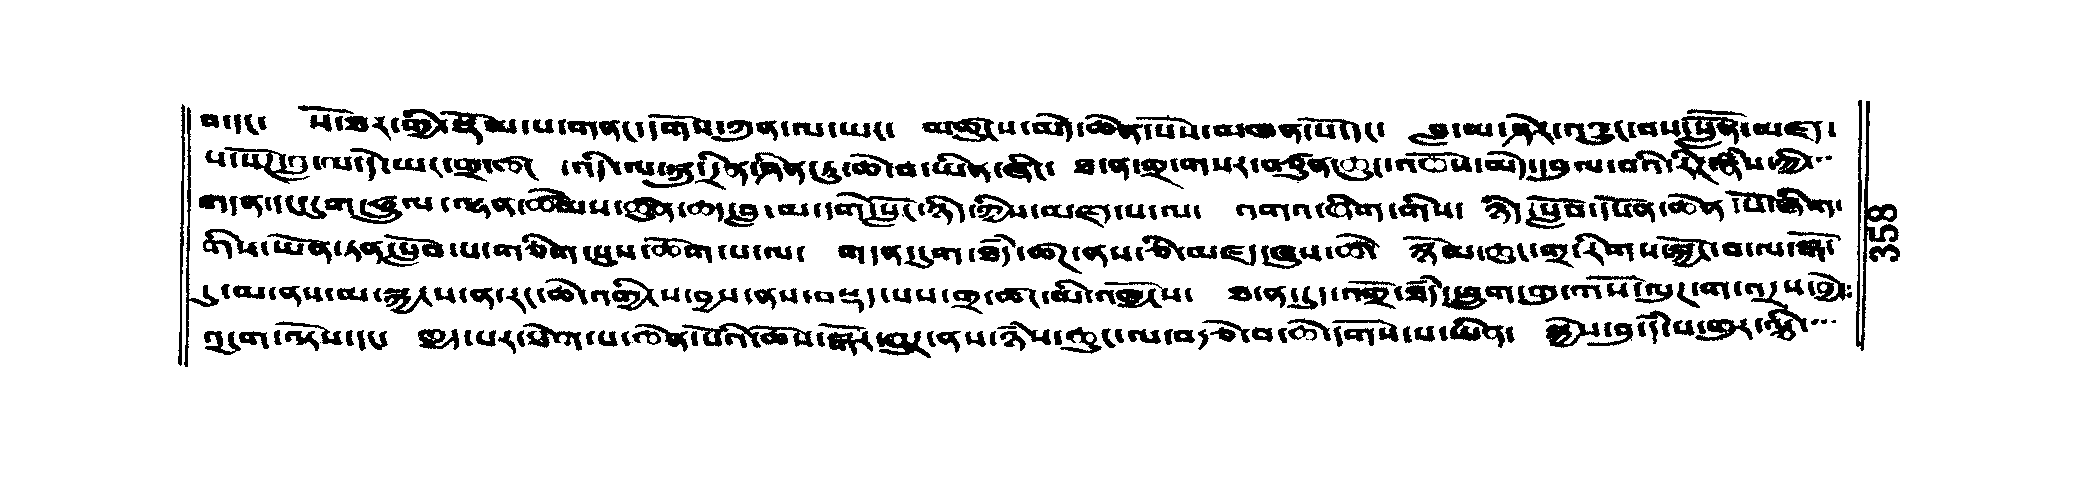བ་དང་། སོ་ཐར་གྱི་སྡོམ་པ་གནང་དགོས་ཀུན་ལ་ཡང་། མཚུངས་མེད་ཆེན་པོས་མཁན་པོ་དང་། བླ་མ་ཤེར་འབྱུང་བས་སློབ་དཔོན་མཛད་
པ་སོགས་བླ་མ་དེ་ཡང་གྲྭ་ཚང་འདི་ལ་སྐུ་དྲིན་ཤིན་ཏུ་ཆེ་བ་ཡིན་ཞིང་། ཐ་ན་གྲྭ་གསར་བཙུན་ཆུང་འཁོས་མེད་དབུལ་བའི་རིགས་རྣམས་ཀྱི་
གདན་དང་དུག་ཧྲུལ་ལྷན་ཚེམ་ཚུན་ཆད་བླ་མ་དགེ་སློང་ཉིད་ཀྱིས་མཛད་པ་ལ། འགའ་ཞིག་གིས། ཉིད་སློབ་དཔོན་ཆེན་པོ་ཞིག་
གིས་ཡོན་ཏན་སློབ་པ་གཅིག་པུས་ཆོག་པ་ལ། གདན་དུག་ཐམས་ཅད་ཚགས་ནས་ཅི་མཛད་ཞུས་ཚེ། སྙོམ་ཆུང་གྲྭ་རིགས་སྐྱོང་བ་ལ་སྒོ་
དུ་མ་ནས་མ་སྐྱངས་ན་རང་ཆེ་འགྱིང་བྱས་ནས་བསྡད་པས་གྲྭ་ཚང་མི་འཁྱོངས། ཐ་ན་དུད་འགྲོ་ཐམས་ཅད་ཕྲུ་གུ་གསོ་ལུགས་ག་འདྲ་བྱེད་
འདུག་ལྟོས་དང་། ཁྱད་པར་ཐེག་པ་ཆེན་པོའི་ཆོས་སྒོར་ཞུགས་ནས་ཉམས་ཆུང་ལ་བརྩེ་བ་ཆེ་དགོས་པ་ཡིན། སྐྱེས་བུ་དམ་པ་ཁུར་ལྕི་